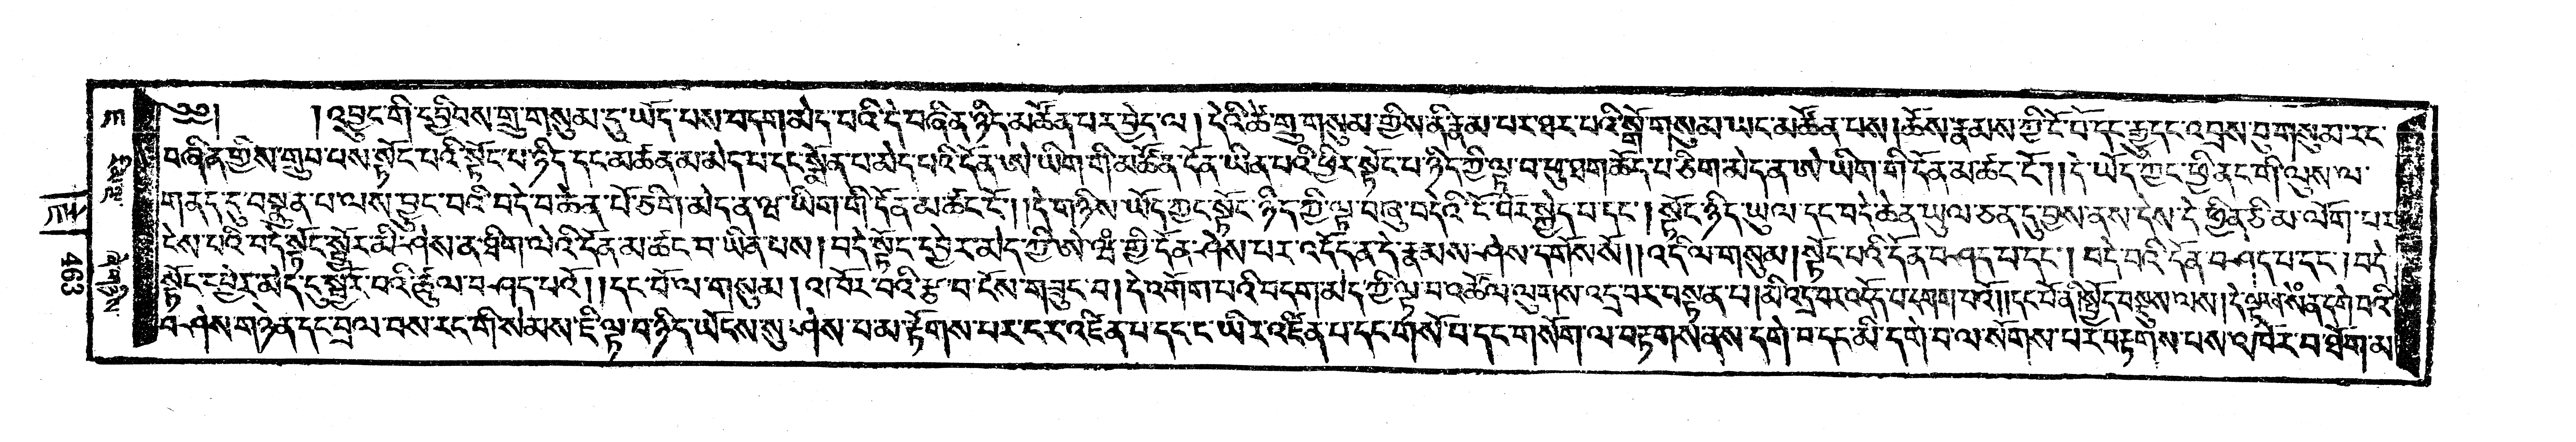༄༅། །འབྱུང་གི་དབྱིབས་གྲུ་གསུམ་དུ་ཡོད་པས་བདག་མེད་པའི་དེ་བཞིན་ཉིད་མཚོན་པར་བྱེད་ལ། དེའི་ཚེ་གྲུ་གསུམ་གྱིས་ནི་རྣམ་པར་ཐར་པའི་སྒོ་གསུམ་ཡང་མཚོན་པས། ཆོས་རྣམས་ཀྱི་ངོ་བོ་དང་རྒྱུ་དང་འབྲས་བུ་གསུམ་རང་
བཞིན་གྱིས་གྲུབ་པས་སྟོང་པའི་སྟོང་པ་ཉིད་དང་མཚན་མ་མེད་པ་དང་སྨོན་པ་མེད་པའི་དོན་ཨེ་ཡིག་གི་མཚོན་དོན་ཡིན་པའི་ཕྱིར་སྟོང་པ་ཉིད་ཀྱི་ལྟ་བ་ཕུ་ཐག་ཆོད་པ་ཅིག་མེད་ན་ཨེ་ཡིག་གི་དོན་མ་ཚང་ངོ། །དེ་ཡོད་ཀྱང་ཕྱི་ནང་གི་ལུས་ལ་
གནད་དུ་བསྣུན་པ་ལས་བྱུང་བའི་བདེ་བ་ཆེན་པོ་ཅིག་མེད་ན་ཝ་ཡིག་གི་དོན་མ་ཚང་ངོ། །དེ་གཉིས་ཡོད་ཀྱང་སྟོང་ཉིད་ཀྱི་ལྟ་བ་ཞུ་བདེའི་ངོ་བོར་སྐྱེད་པ་དང་། སྟོང་ཉིད་ཡུལ་དང་བདེ་ཆེན་ཡུལ་ཅན་དུ་བྱས་ནས་དེས་དེ་ཕྱིན་ཅི་མ་ལོག་པར་
ངེས་པའི་བདེ་སྟོང་སྦྱོར་མི་ཤེས་ན་ཐིག་ལེའི་དོན་མ་ཚང་བ་ཡིན་པས། བདེ་སྟོང་དབྱེར་མེད་ཀྱི་ཨེ་ཝཾ་གྱི་དོན་ཤེས་པར་འདོད་ན་དེ་རྣམས་ཤེས་དགོས་སོ། །འདི་ལ་གསུམ། སྟོང་པའི་དོན་བཤད་པ་དང་། བདེ་བའི་དོན་བཤད་པ་དང་། བདེ་
སྟོང་དབྱེར་མེད་དུ་སྦྱོར་བའི་ཚུལ་བཤད་པའོ། །དང་པོ་ལ་གསུམ། འཁོར་བའི་རྩ་བ་ངོས་གཟུང་བ། དེ་འགོག་པའི་བདག་མེད་ཀྱི་ལྟ་བ་འཚོལ་ལུགས་འདྲ་བར་བསྟན་པ། མི་འདྲ་བར་འདོད་པ་དགག་པའོ། །དང་པོ་ནི། སྤྱོད་བསྡུས་ལས། དེ་ལྟར་ན་སེམས་ན་དགེ་བའི་
བཤེས་གཉེན་དང་བྲལ་བས་རང་གི་སེམས་ཇི་ལྟ་བ་ཉིད་ཡོངས་སུ་ཤེས་པ་མ་རྟོགས་པར་ངར་འཛིན་པ་དང་ང་ཡིར་འཛིན་པ་དང་གསོ་བ་དང་གསོག་ལ་བརྟགས་ནས་དགེ་བ་དང་མི་དགེ་བ་ལ་སོགས་པར་བརྟགས་པས་འཁོར་བ་ཐོག་མ་